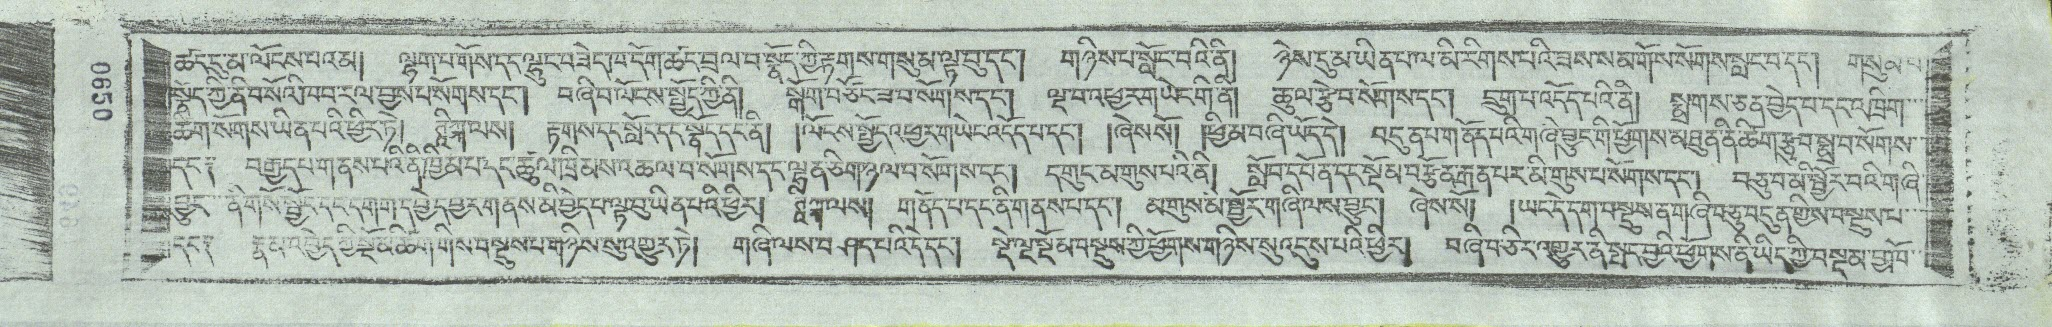ཚད་དུ་མ་ལོངས་བའམ། ལྷག་བགོས་དང་ལྷུང་བཟེད་ཁ་དོག་ཚང་བྲལ་བ་སྣོད་ཀྱི་རྟགས་གསུམ་ལྟ་བུ་དང་། གཉིས་པ་སློང་བའི་ནི། ཉེས་དུ་མ་ཡིན་པ་ལ་མི་རིགས་པའི་ཟས་སམ་གོས་སོགས་སླང་བ་དང་། གསུམ་པ་
སྣོད་ཀྱི་ནི་བསོའི་ཁབ་རལ་བྱས་བ་སོགས་དང་། བཞི་པ་ལོངས་སྤྱོད་ཀྱི་ནི། སྒོག་བཙོང་ཟ་བ་སོགས་དང་། ལྔ་པ་འཕྱར་གཡེང་གི་ནི། ཆུ་ལ་རྩེ་བ་སོགས་དང་། དྲུག་པ་འདོད་པའི་ནི། སྨྲ་གས་ཅན་བྱེད་པ་དང་འཁྲིག་
ཚིག་སོགས་ཡིན་པའི་ཕྱིར་ཏེ། ཊཱིཀྐ་ལས། རྟགས་དང་སློང་དང་སྣོད་དང་ནི། །ལོངས་སྤྱོད་འཕྱར་གཡེང་འདོད་པ་དང་། །ཞེས་སོ། །ཕྱི་མ་བཞི་ཡོད་དེ། བདུན་པ་གནོད་པའི་གཞི་བྱུང་གི་ཕྱོགས་མཐུན་ནི་ཚིག་རྩུབ་སྨྲ་བ་སོགས་
དང་། བརྒྱད་པ་གནས་པའི་ནི་ཁྱིམ་པ་དང་ཚུལ་ཁྲིམས་འཆལ་བ་སོགས་དང་ལྷན་ཅིག་ཉལ་བ་སོགས་དང་། དགུང་མ་གུས་པའི་ནི། སློབ་དཔོན་དང་སྡོམ་བརྩོན་རྒན་པར་མི་གུས་པ་སོགས་དང་། བཅུ་པ་མི་སྦྱོར་བའི་གཞི་
བྱུང་ནི་གསོ་སྦྱོང་དང་དགག་དབྱེ་དབྱར་གནས་མི་བྱེད་པ་ལྟ་བུ་ཡིན་པའི་ཕྱིར། ཊཱིཀྐ་ལས། གནོད་པ་དང་ནི་གནས་པ་དང་། མ་གུས་མི་སྦྱོར་གཞི་ལས་བྱུང་། ཞེས་སོ། །ཡང་དེ་དག་བསྡུས་ན་གཞི་བཅུ་བདུན་གྱིས་བསྡུས་པ་
དང༑ རྣམ་འབྱེད་ཀྱི་སྡོམ་ཚིག་གིས་བསྡུས་པ་གཉིས་སུ་འགྱུར་ཏེ། གཞི་ལས་བཤད་པའི་དེ་དང་། སྡེ་ལྔ་སྡོམ་བསྡུས་ཀྱི་ཕྱོགས་གཉིས་སུ་འདུས་པའི་ཕྱིར། བཞི་བ་ཅིར་འགྱུར་ནི་སྤང་བྱའི་ཕྱོགས་ནི་ཡིད་ཀྱི་བསྡམ་བྱ་ཁོ་